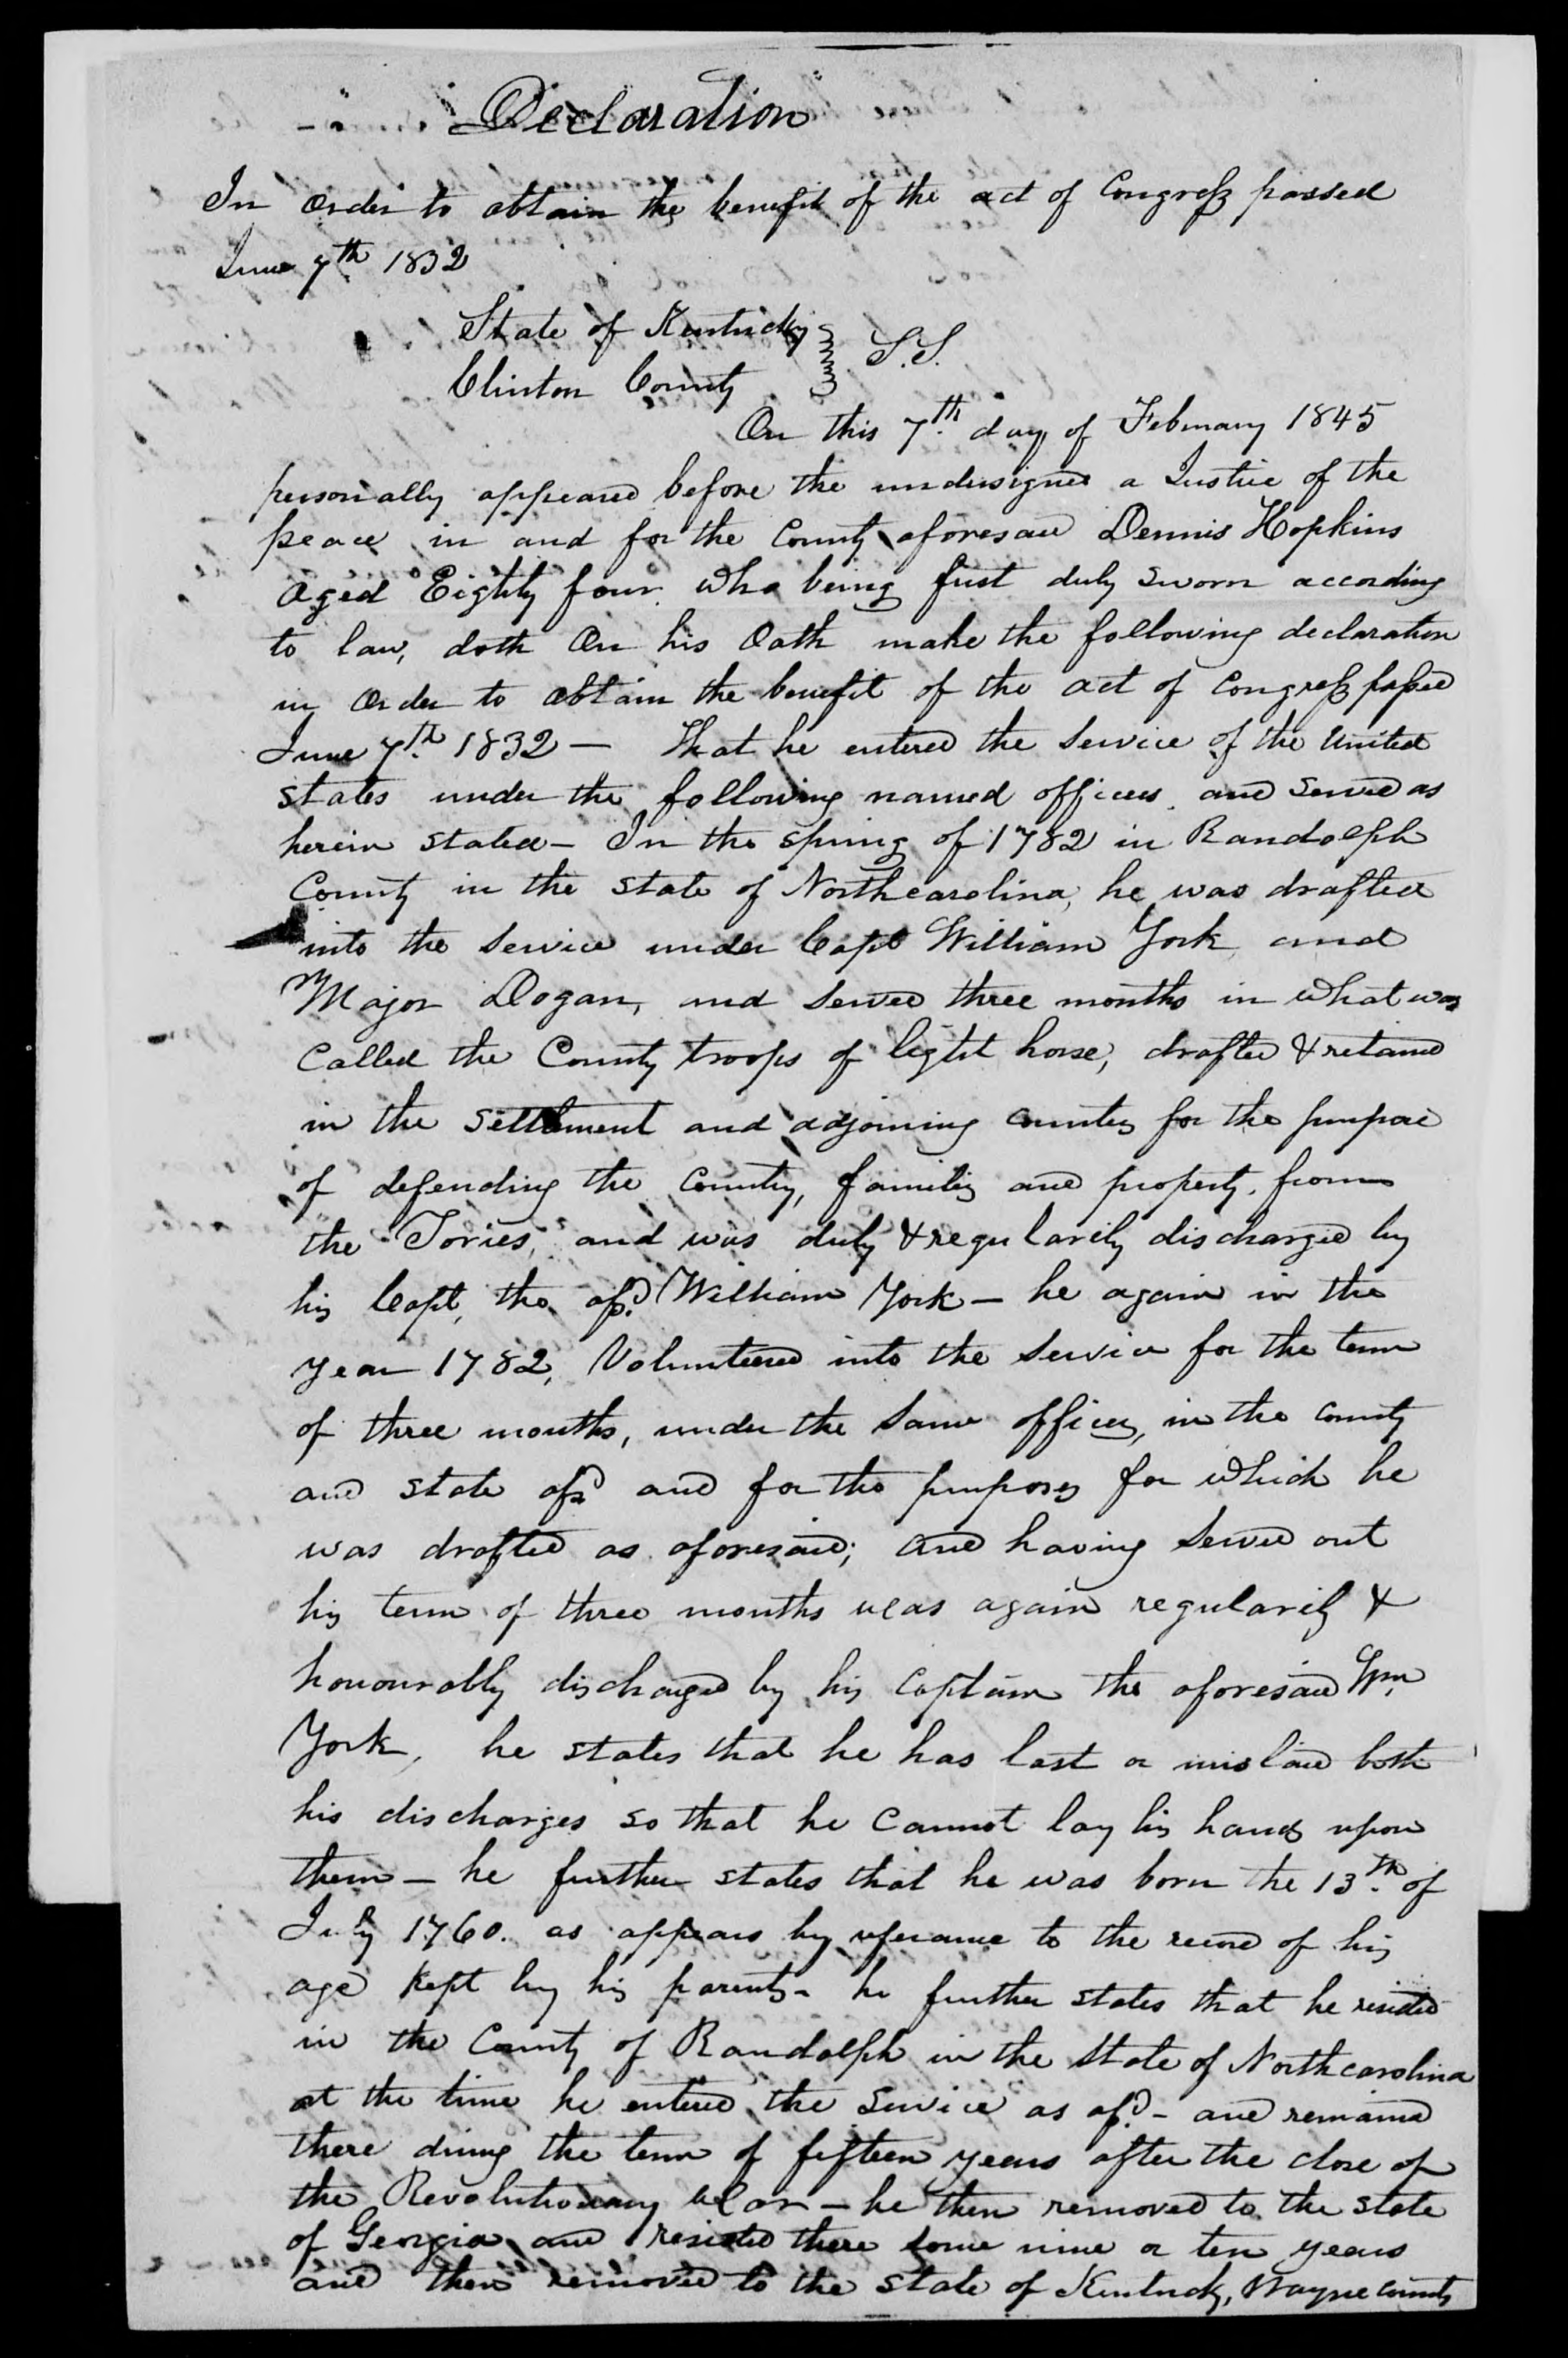Declaration
In order to obtain the benefit of the act of Congress passed June 7th 1832
State of Kentucky }
Clinton County } S.S.
On this 7th day of February 1845 personally appeared before the undersigned a Justice of the peace in and for the County aforesaid Dennis Hopkins aged Eighty four who being first duly sworn according to law, doth on his Oath make the following declaration in order to obtain the benefit of the act of Congress passed June 7th 1832 - That he entered the service of the United States under the following named officers and served as herein stated. In the spring of 1782 in Randolph County in the State of North Carolina, he was drafted into the service under Capt William York and Major Dogan, and served three months in what was called the County troops of light horse, drafted & retained in the settlement and adjoining county for the purpose of defending the County, family and property, from the Tories and was duly & regularly discharged by his Capt the afsd [aforesaid] William York - he again in the year 1782, Volunteered into the service for the term of three months, under the same officer in the County and State afsd [aforesaid] and for the purposes for which he was drafted as aforesaid; and having served out his term of three months was again regularly & honourably discharged by his Captain the aforesaid Wm York, he states that he has lost or mislaid both his discharges so that he cannot lay his hand upon -- them he further states that he was born the 13th of July 1760 as appear by reference to the record of his age kept by his parents he further states that he resided in the County of Randolph in the State of North Carolina at the time he entered the service as afsd [aforesaid] and remained there during the term of fifteen years after the close of the Revolutionary war - he then removed to the state of Georgia and resided there some nine or ten years and then removed to the State of Kentucky, Wayne County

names: Dennis Hopkins, Dogan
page: 19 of 144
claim: rejected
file: R. 5208, Dennis Hopkins, N.C.